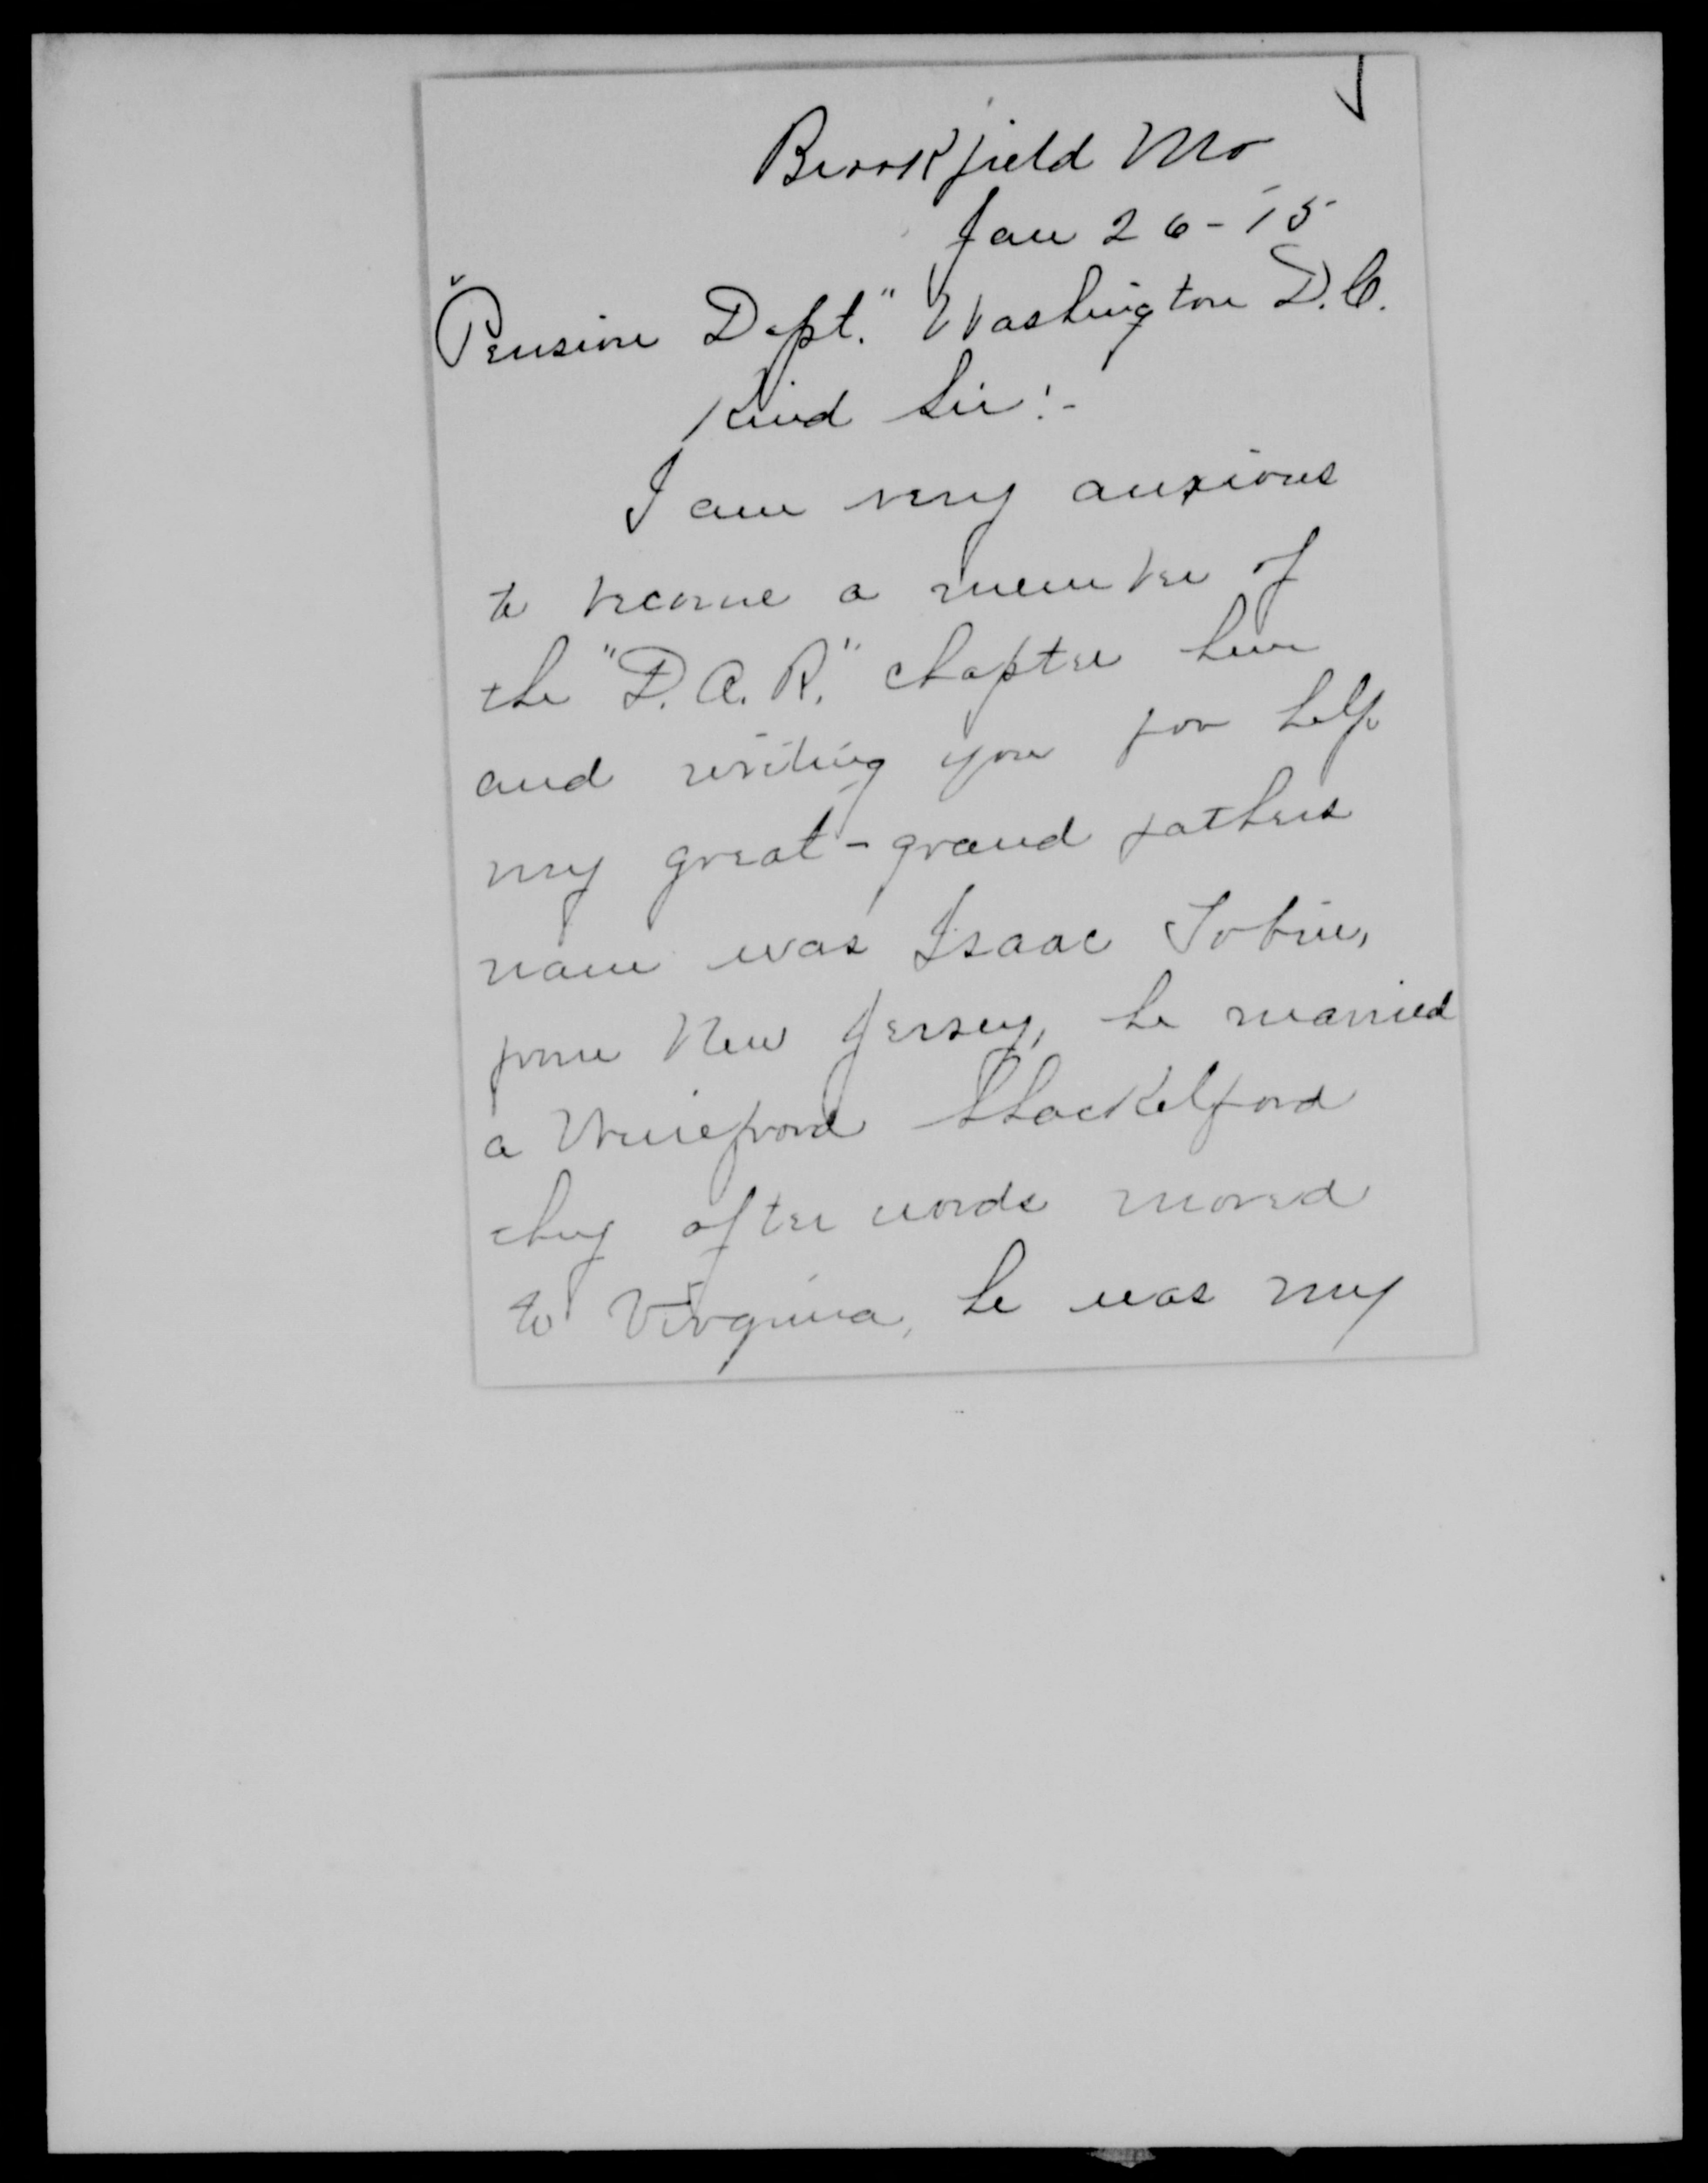Brookfield MO
Jan 26- 15
"Pension Dept" Washington DC

Kind Sir;-
I am very anxious to become a member of the "D.A.R." chapter here and writing you for help. My great-grand fathers name was Isaac Tobin, from New Jersey, he married a Winifred Shackleford they after words moved to Virginia, he was my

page: 16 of 25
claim: survivor's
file: S. 6258, for Isaac Tobin, New Jersey